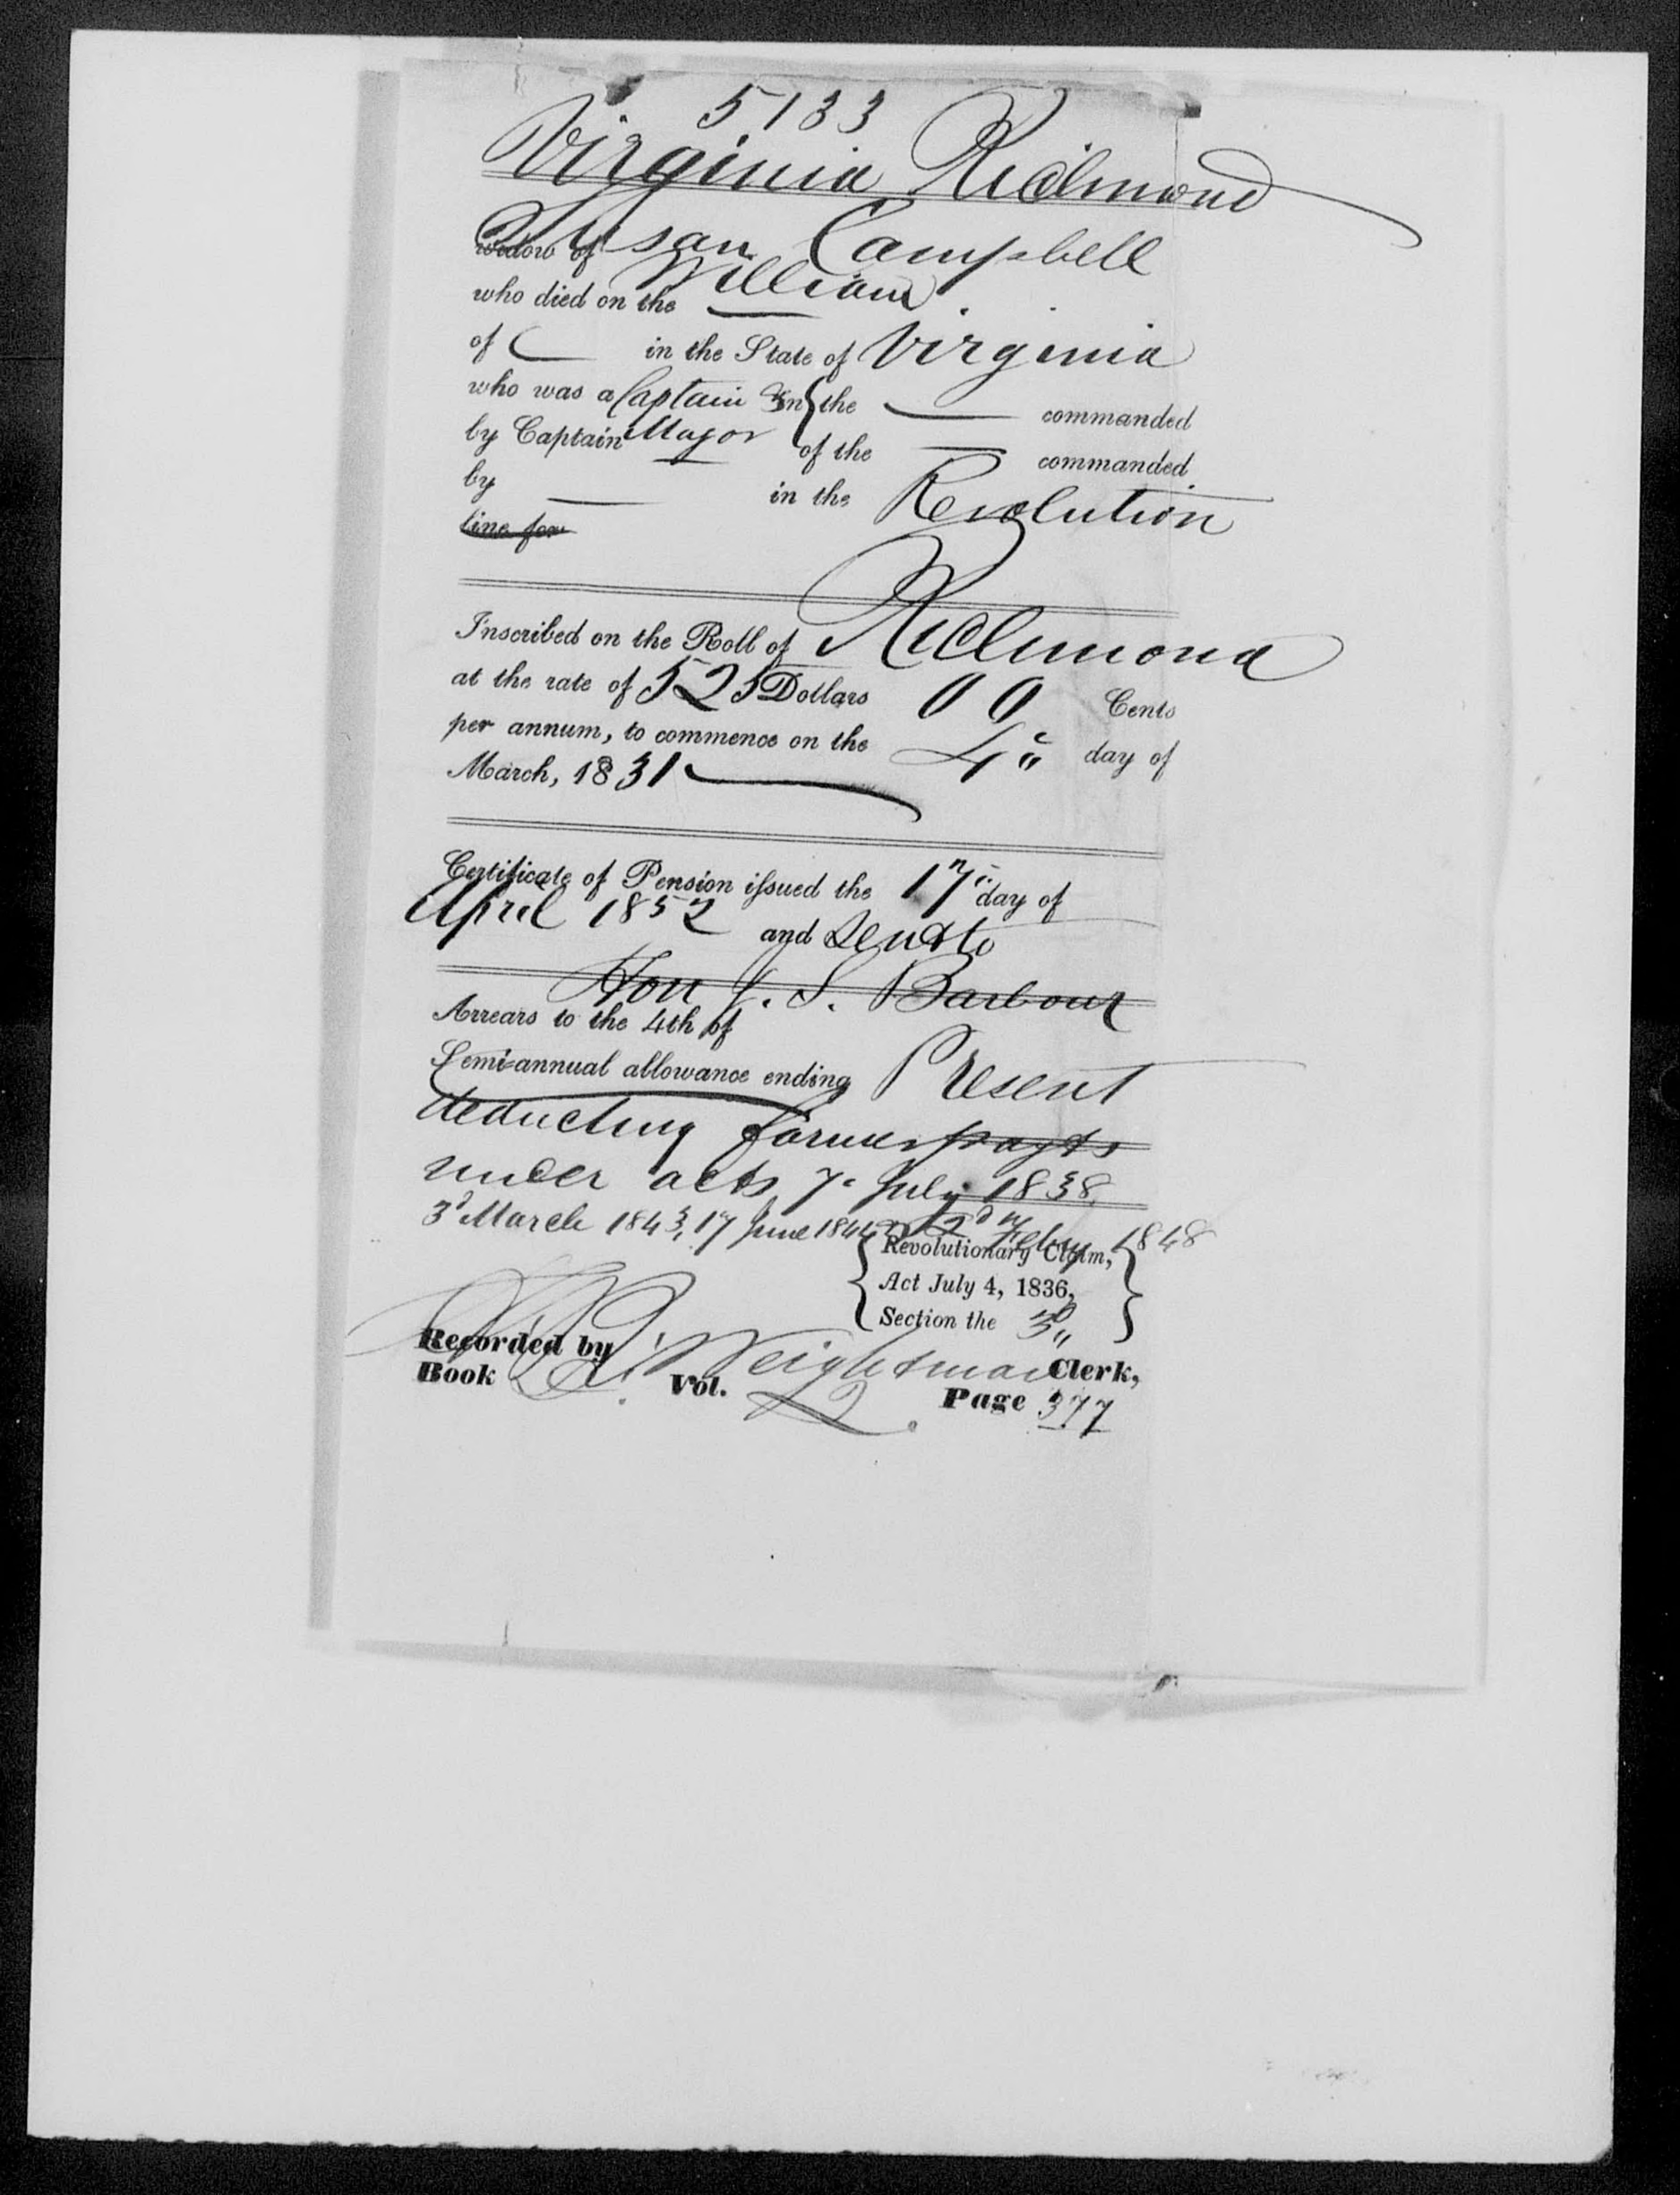5133
Virginia Richmond
Susan Campbell 
widow of William
who died on the  --------
of ------- in the State of Virginia
who was a Captain & Major in the -------- commanded by Captain --------- of the ------- commanded by ----------- in the Revolution [cross out] line for [end cross out]
[double horizontal lines across page]

Inscribed on the Roll of Richmond at the rate of 525 Dollars  00  Cents per annum, to commence on the 4th day of March, 1831 
[double horizontal lines across page]

Certificate of Pension issued the 17 th day of April 1852 and sent to 
Hon J. S. Barbour
[double horizontal lines across page]

Arrears to the 4th of 
Semi=annual allowance ending Present
deducting former payts under acts 7. July 1838, 3rd March 1843, 17 June 1844 + [and] 2nd Febry 1848

Revolutionary Claim, Act July 4, 1836,
Section the 3rd

Recorded by H. R. Weightman Clerk,
Book  D. Vol. 2. Page 377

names: William Campbell, H R Weightman, J S Barbour, Susan Campbell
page: 58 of 267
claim: widow's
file: W. 4,149, William Campbell, Va.